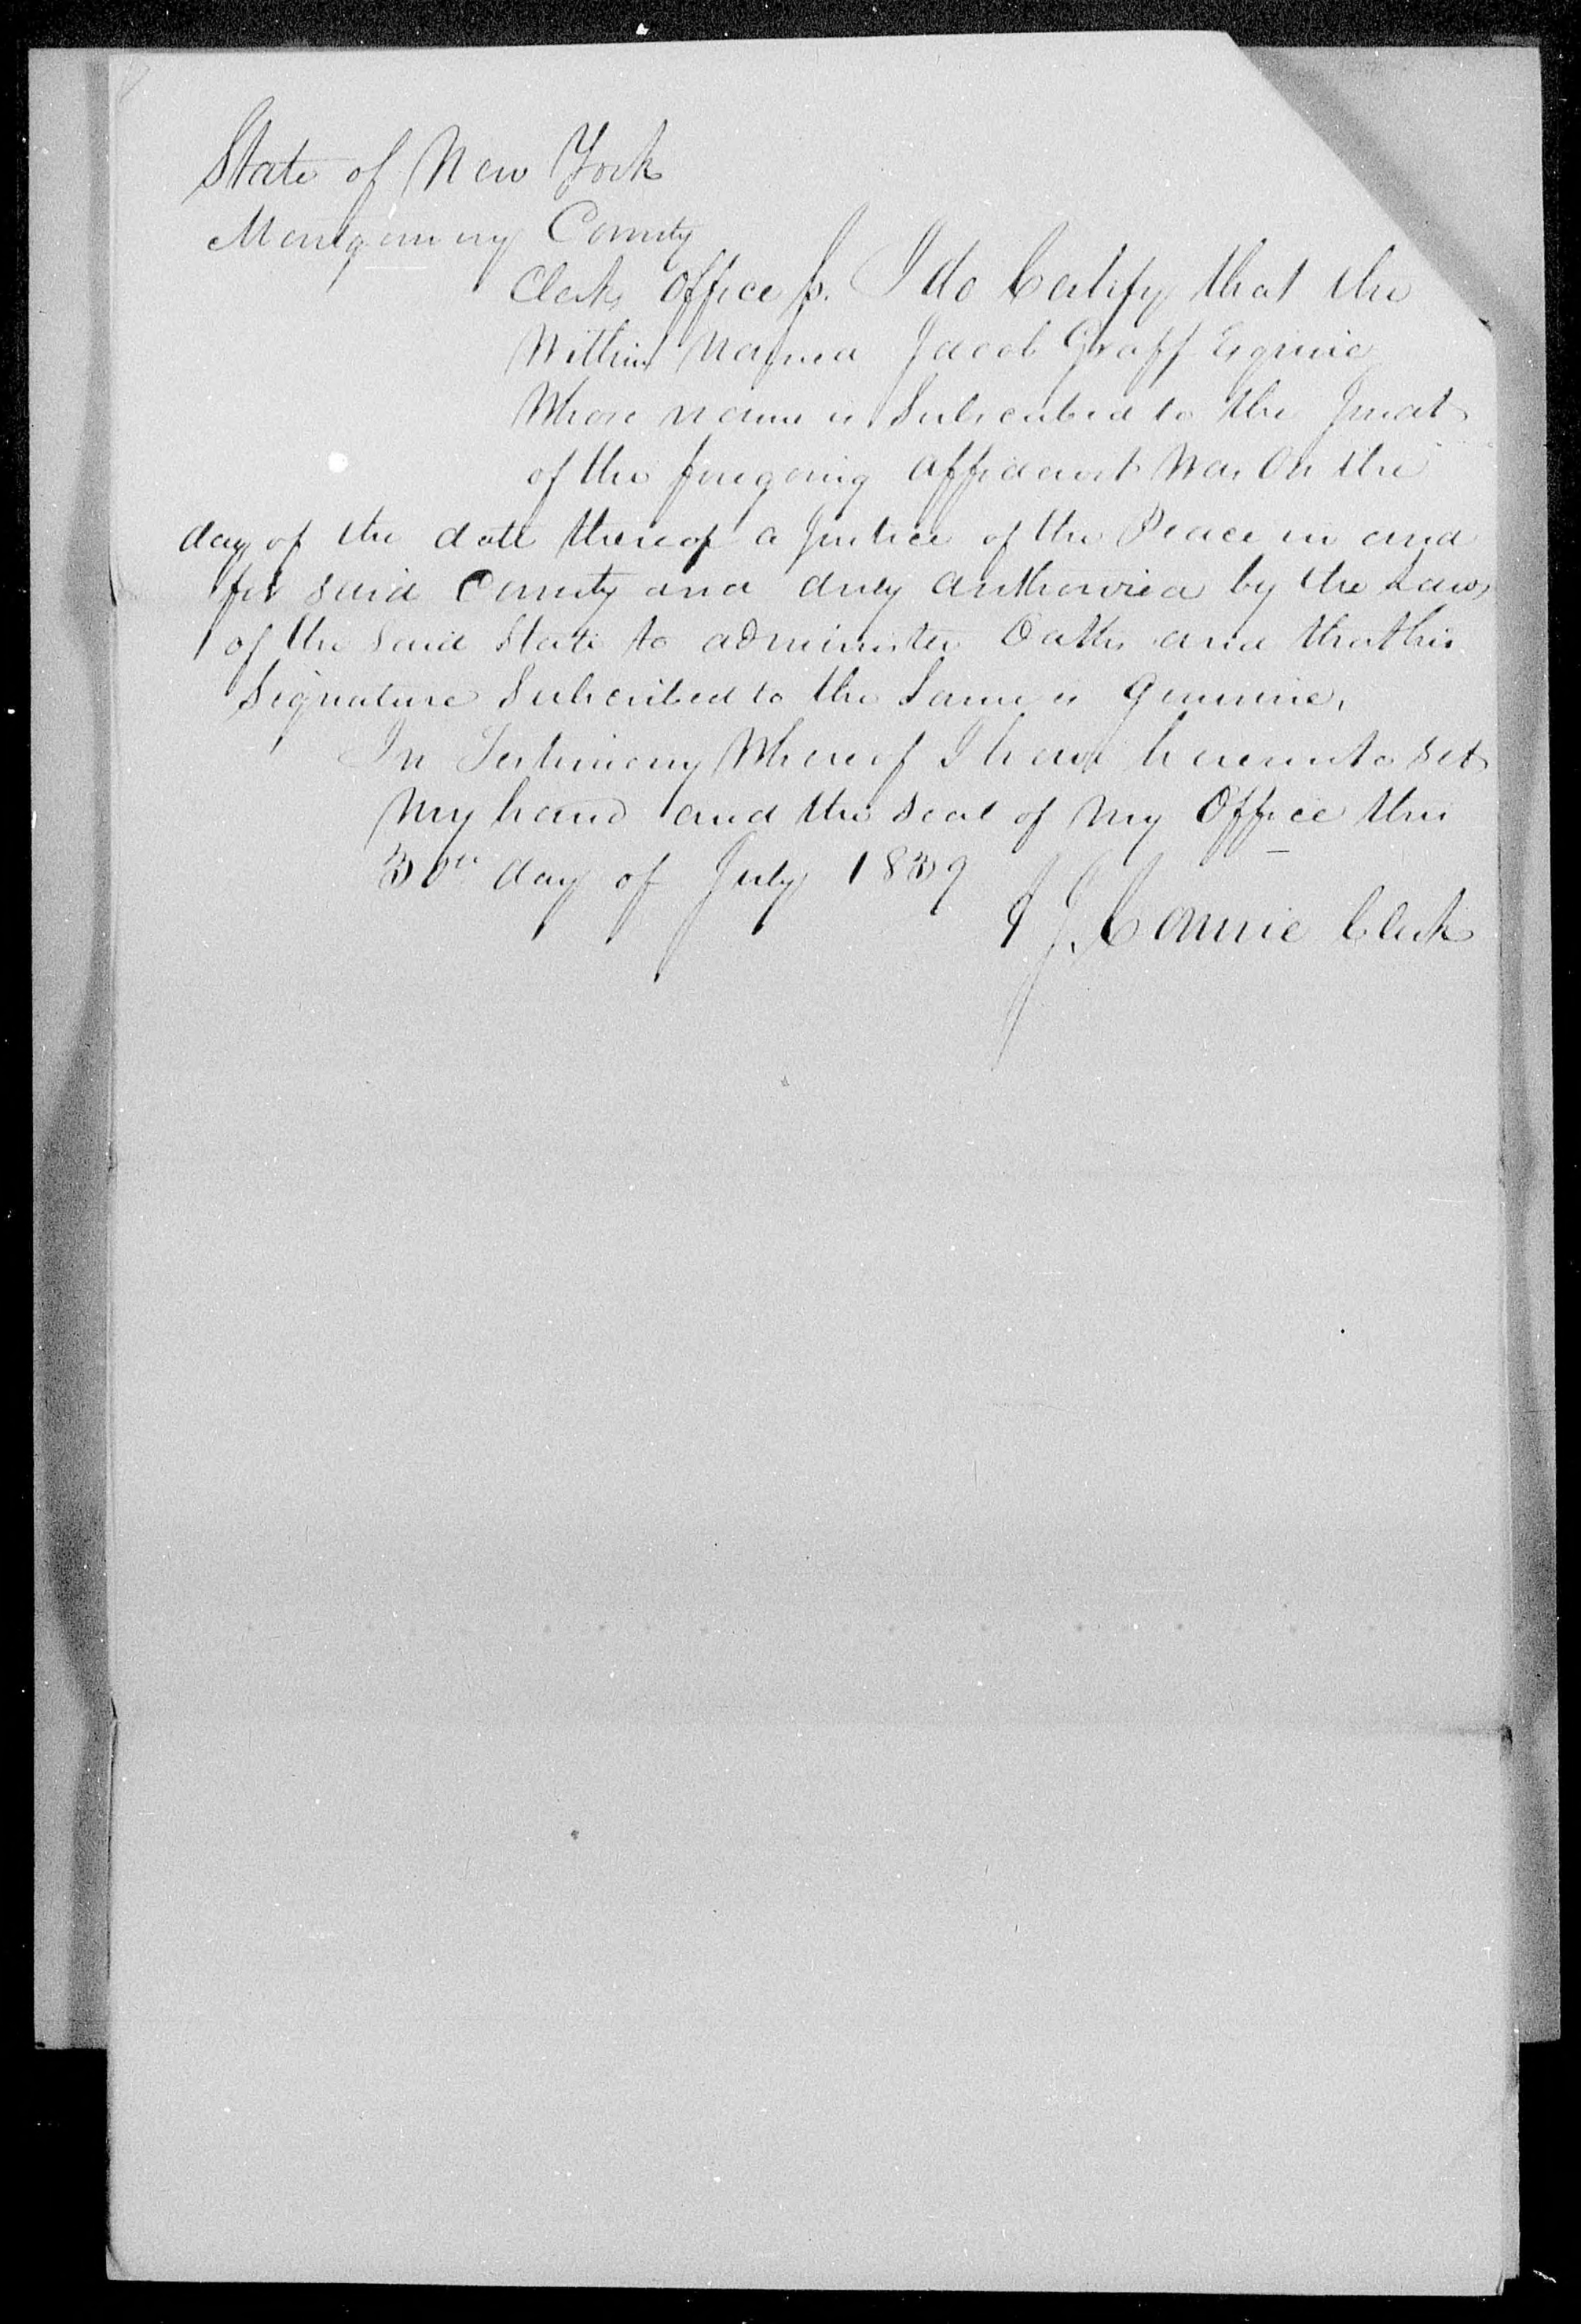State of New York 
Montgomery County 
Clerk's Office ss. I do certify that the within named Jacob Graff Esquire whose name is subscribed to the jurat of the foregoing affidavit made on the day of the date thereof a Justice of the peace in and for said county and duly authorized by the law of the said state to administer oaths and that his signature subscribed to the same is genuine. 
In testimony whereof I have hereunto set my hand and the seal of my office this 30th day of July 1839
A.J. Connie Clerk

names: A J Connie; Jacob Graff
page: 10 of 40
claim: widow's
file: W. 21876, for Christian Osterman, New York